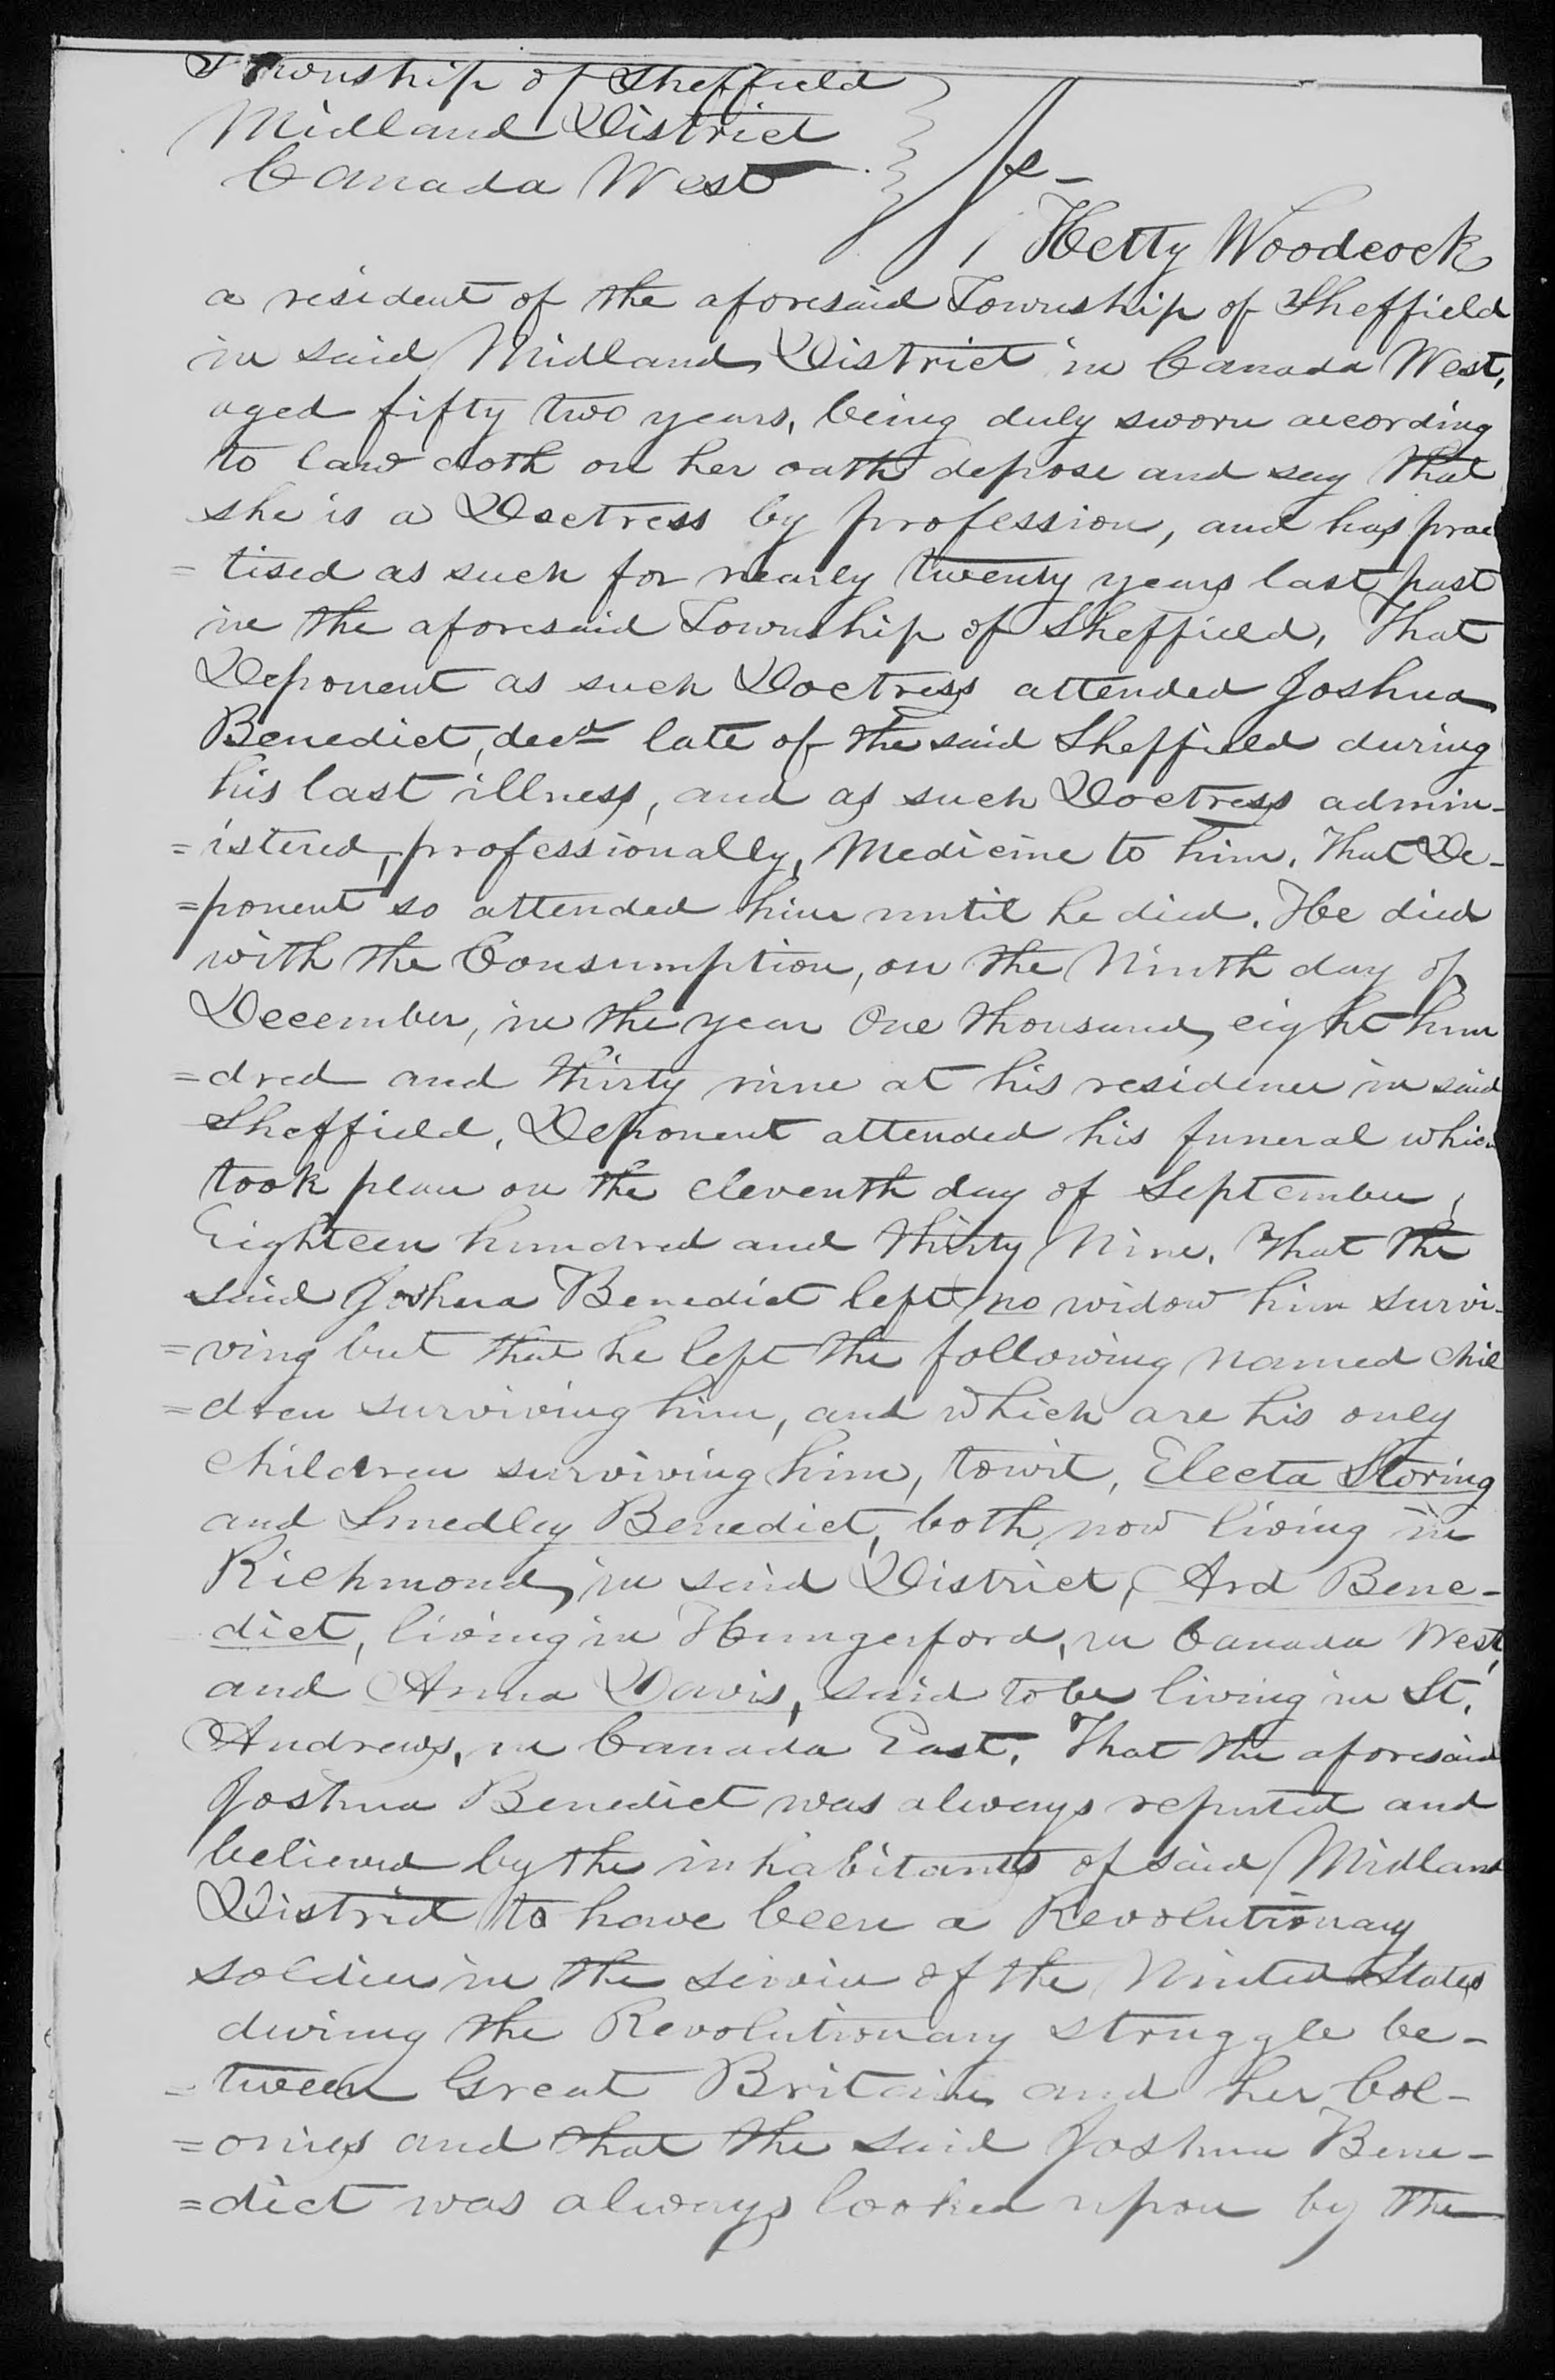Township of Sheffield
Midland District
Canada West } Ss-
I Hetty Woodcock a resident of the aforesaid Township of Sheffield in said Midland District in Canada West, aged fifty two years, being duly sworn according to law doth on her oath depose and say that she is a Doctress by profession, and has practised as such for nearly twenty years last past in the aforesaid Township of Sheffield, That Deponent as such Doctress attended Joshua Benedict, decd late of the said Sheffield during his last illness, and as such Doctress administered, professionally, medicine to him, That Deponent so attended him until he died. He died with the Consumption, on the Ninth day of December, in the year One thousand eight hundred and thirty nine at his residence in said Sheffield, Deponent attended his funeral which took place on the eleventh day of September Eighteen hundred and thirty nine. That the said Joshua Benedict left no widow him surviving but that he left the following named children surviving him, and which are his only children surviving him, to wit, Electa Storing and Smedley Benedict, both now living in Richmond in said District, Ard Benedict, living in Hungerford, in Canada West, and Anna Davis, said to be living in St. Andrews, in Canada East. That the aforesaid Joshua Benedict was always reputed and believed by the inhabitants of said Midland District to have been a Revolutionary soldier in the service of the United States during the Revolutionary struggle between Great Britain and her Colonies and that the said Joshua Benedict was always looked upon by the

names: Electa Storing, Ketty Woodcock, Smedley Benedict, Anna Davis, Joshua Benedict, Joshua Benedict, Ard Benedict, Joshua Benedict, Joshua Benedict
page: 39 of 106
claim: survivor's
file: S 23,116., Joshua Benedict, Conn.